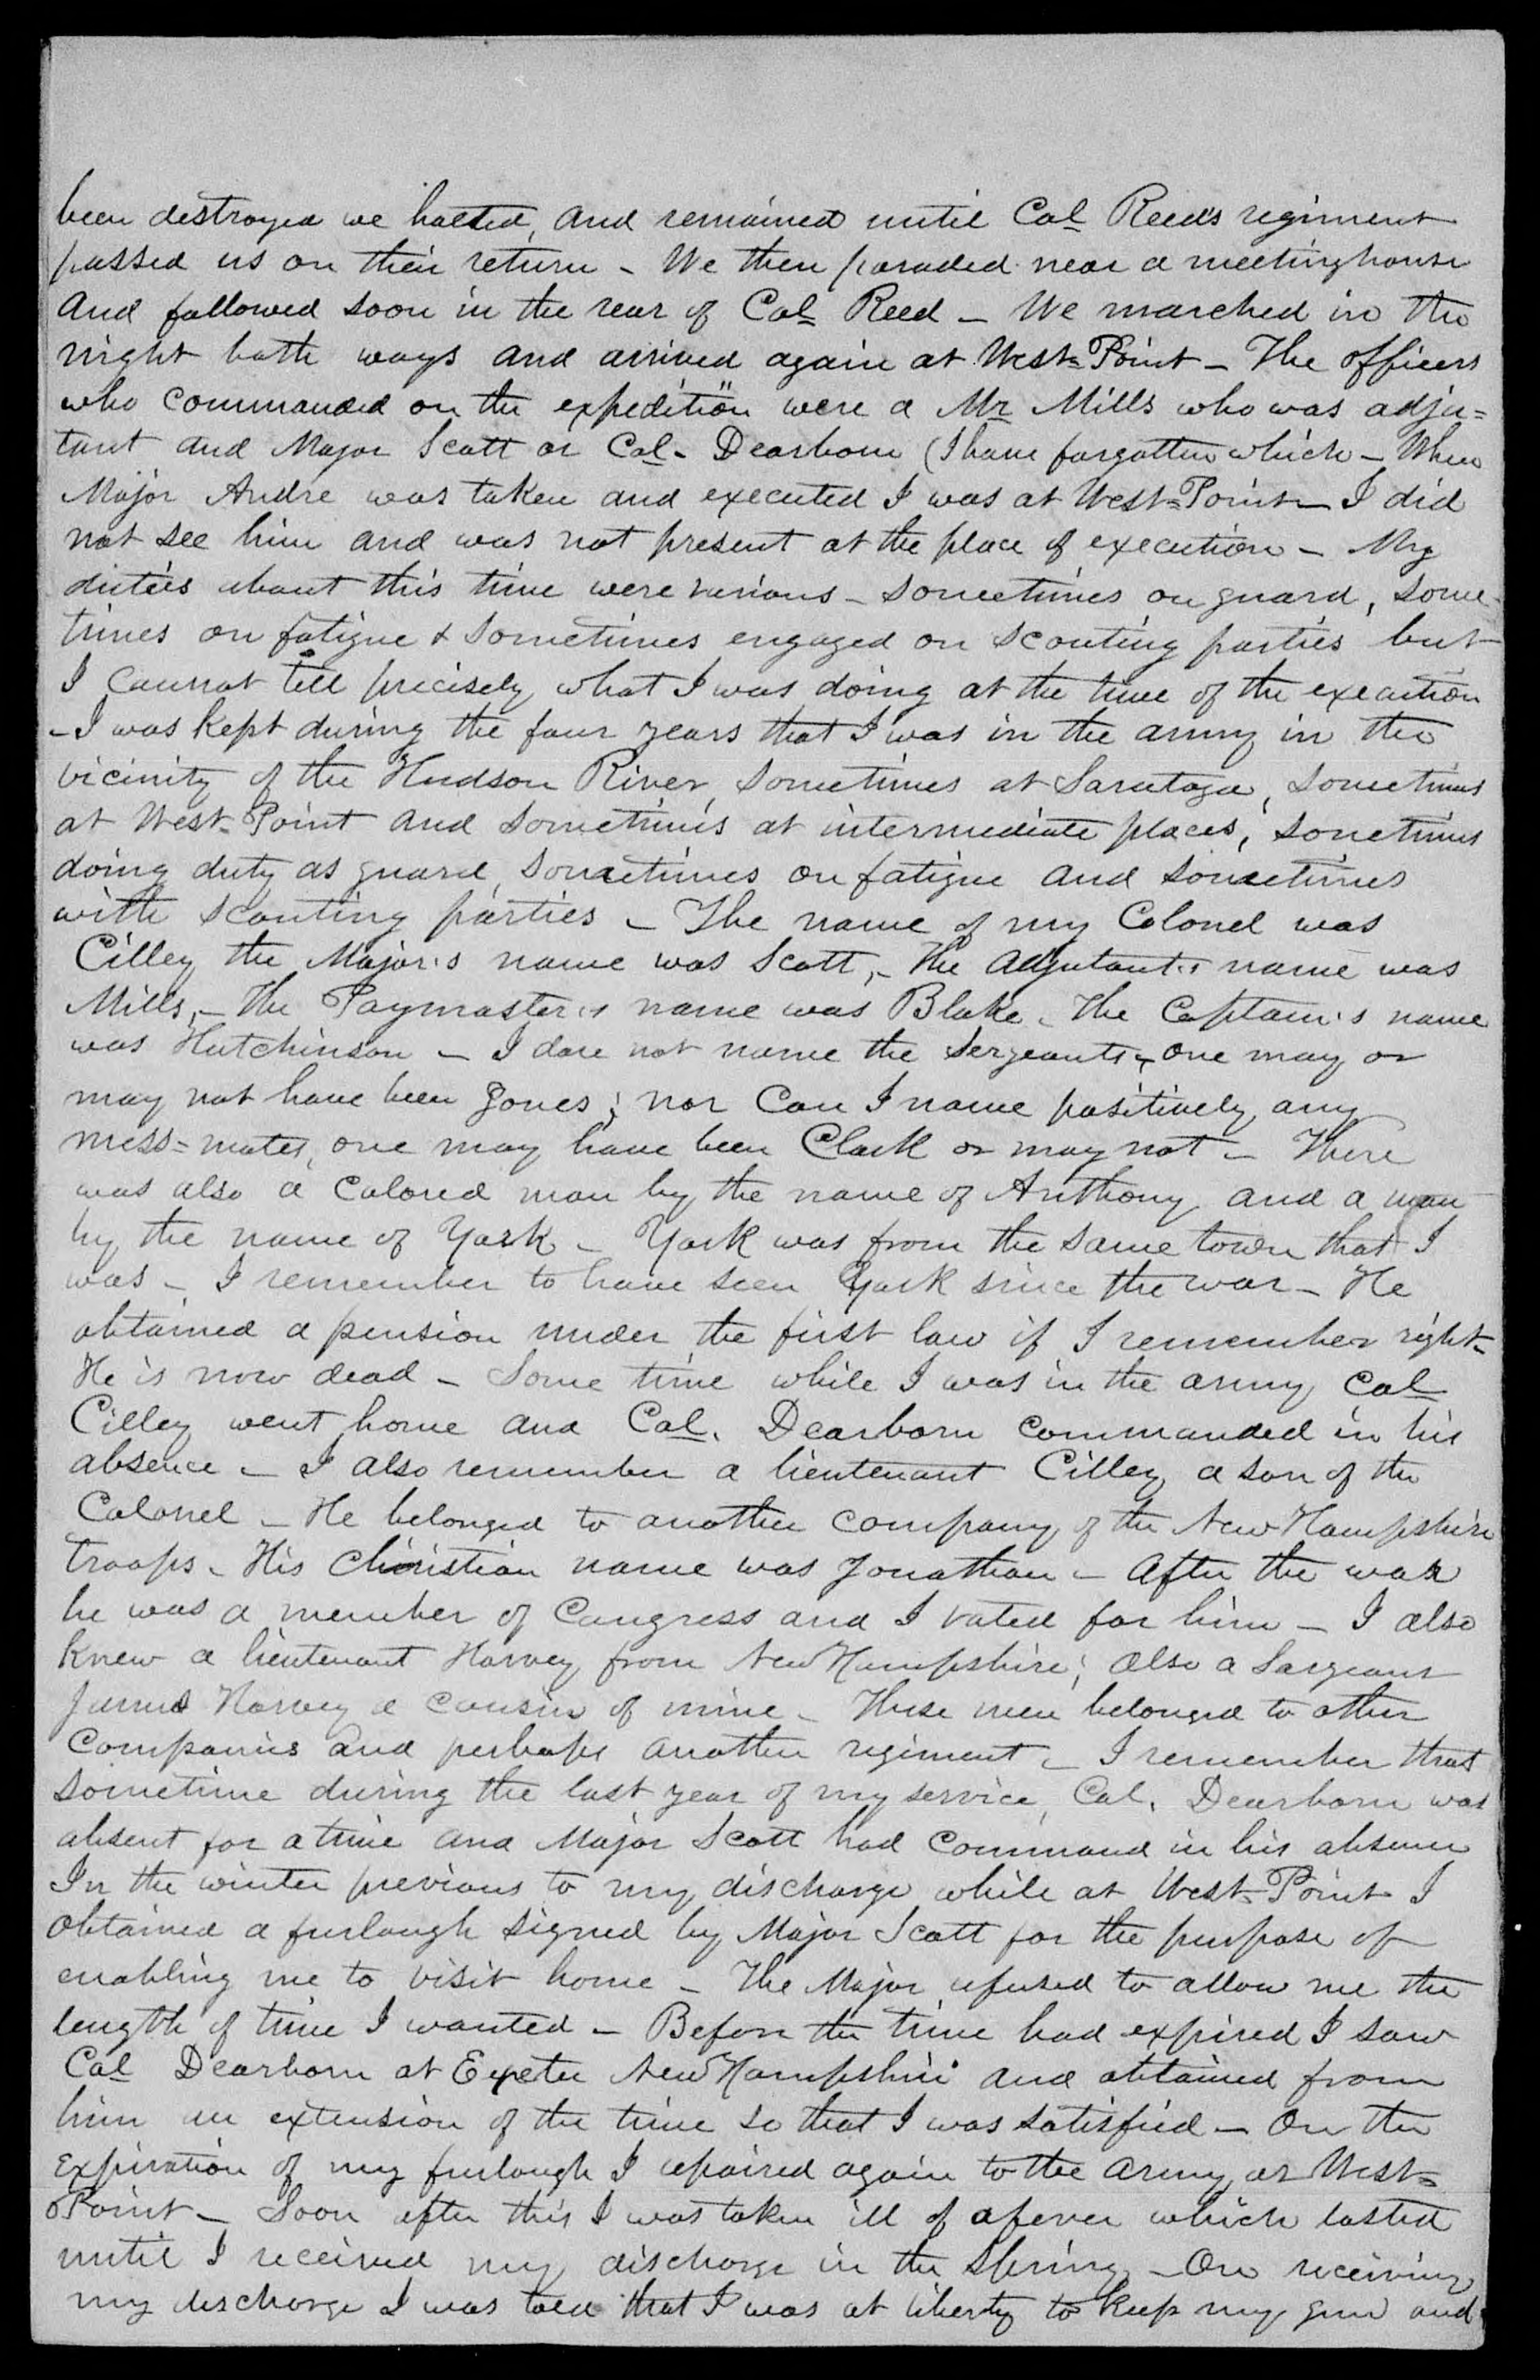been destroyed we halted, and remained until Col. Reed's regiment passed us on their return - We then paraded near a meeting house and followed soon in the rear of Col. Reed - We marched in the night both ways and arrived again at West Point - The officers who commanded on the expedition were a Mr. Mills who was adjutant and Major Scott or Col. Dearborn (I have forgotten which - When Major Andre was taken and executed I was at West Point - I did not see him and was not present at the place of execution - My duties about this time were various - sometimes on guard, sometimes on fatigue & sometimes engaged on scouting parties but I cannot tell precisely what I was doing at the time of the execution - I was kept during the four years that I was in the army in the vicinity of the Hudson River, sometimes at Saratoga, sometimes at West Point and sometimes at intermediate places, sometimes doing duty as guard, sometimes on fatigue and sometimes with scouting parties - The name of my Colonel was Cilley the Major's name was Scott - The Adjutant's name was Mills, - The Paymaster's name was Blake - The Captain's name was Hutchinson - I dare not name the Sergeant's - one may or may not have been Jones; nor can I name positively any mess-mates, one may have been Clark or may not - There was also a colored man by the name of Anthony and a man by the name of York - York was from the same town that I was - I remember to have seen York since the war - He obtained a pension under the first law if I remember right - He is now dead - Some time while I was in the army Col. Cilley went home and Col. Dearborn commanded in his absence - I also remember a lieutenant Cilley a son of the Colonel - He belonged to another company of the New Hampshire troops - His Christian name was Jonathan - After the war he was a member of Congress and I voted for him - I also knew a lieutenant Harvey from New Hampshire; also a Sargeant James Harvey a cousin of mine - These men belonged to other companies and perhaps another regiment - I remember that sometime during the last year of my service, Col. Dearborn was absent for a time and Major Scott had command in his absence 
In the winter previous to my discharge while at West Point I obtained a furlough signed by Major Scott for the purpose of me to visit home - The Major refused to allow me the length of time I wanted - Before the time had expired I saw Col. Dearborn at Exeter New Hampshire and obtained from him an extension of the time so that I was satisfied - On the expiration of my furlough I repaired again to the Army at West Point - Soon after this I was taken ill of a fever which lasted until I received my discharge in the Spring - On receiving my discharge I was told that I was at liberty to keep my gun and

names: Dearborn, Hutchinson, Scott, York, Cilley, Dearborn, Jonathan, Mills, Cilley, Clark, Anthony, Reed, Scott, Blake, Harvey, Jones, Dearborn, York, Scott, Mills, Dearborn, Cilley, James Harvey, Scott, York, Andre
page: 68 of 80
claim: survivor's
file: S. 18008, Thomas Harvey, N.H.